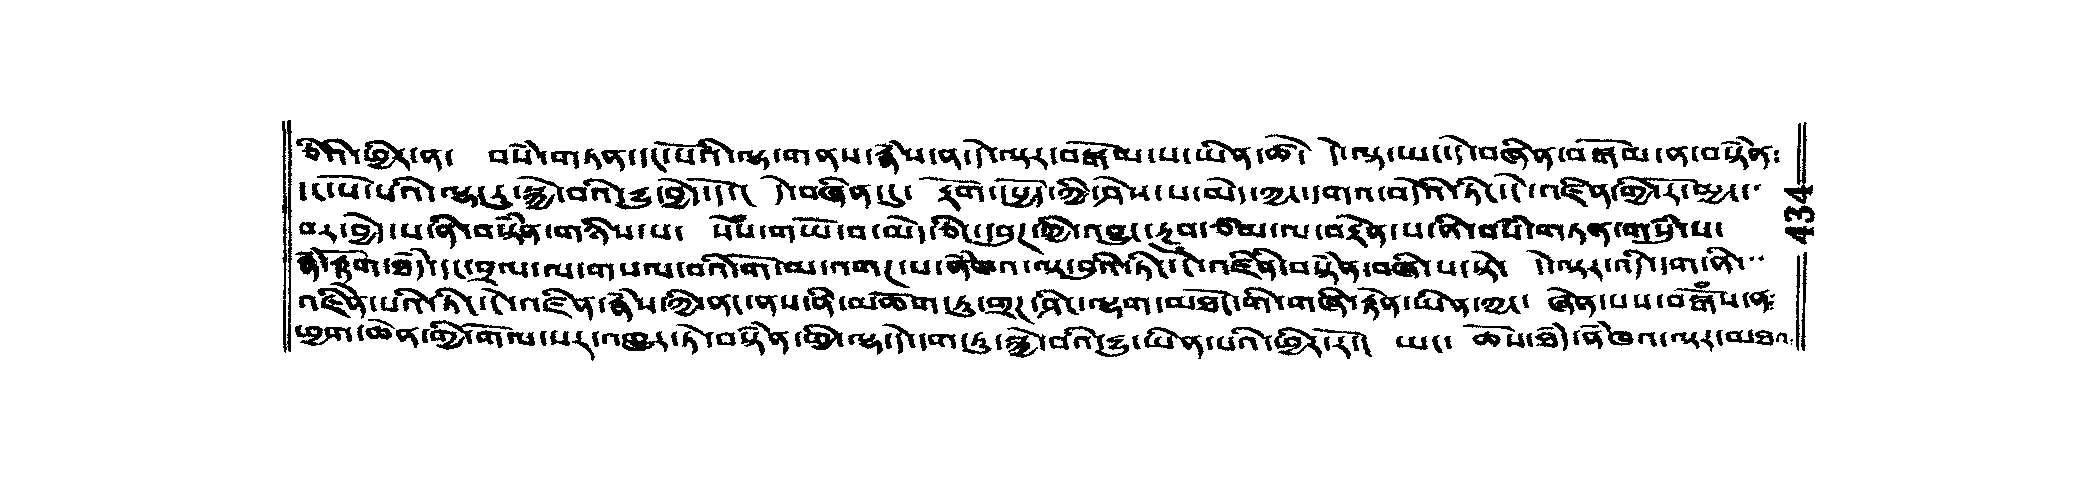ཅིའི་ཕྱིར་ན། བསམ་གཏན་དང་པོའི་ལྷ་གནས་རྣམས་ན་དེ་ལྟར་བསྒོམ་པ་ཡིན་ཚེ། དེ་ལྟ་ཡང་དེ་བཞིན་བསྒོམ་ན་བསམ་གཏན་
དང་པོ་པའི་ལྷ་རུ་སྐྱེ་བའི་རྒྱུ་བྱེད་དོ། དེ་བཞིན་དུ། རྟོག་དཔྱོད་ཀྱི་ཤེས་པ་མེད་ཀྱང་དགའ་བདེའི་ཏིང་ངེ་འཛིན་གྱི་རོ་མྱང་
བར་བྱེད་པ་ནི་བསམ་གཏན་གཉིས་པ། སེམས་གཡོ་བ་མེད་ཅིང་དབུགས་ཀྱི་འབྱུང་རྔུབ་ཙམ་ལ་བརྟེན་པ་ནི་བསམ་གཏན་གསུམ་པ། 
རྣམ་རྟོག་ཐམས་ཅད་དང་བྲལ་ལ་གསལ་བའི་གོ་མ་འགགས་པ་ནམ་མཁའ་ལྟ་བུའི་ཏིང་ངེ་འཛིན་ནི་བསམ་གཏན་བཞི་པ་སྟེ། དེ་ལྟར་འདི་དག་ནི་
འཇིག་རྟེན་པའི་ཏིང་ངེ་འཛིན་རྣམས་ཀྱི་ནང་ནས་ནི་མཆོག་ཏུ་གྲགས་ཤིང་ལྷག་མཐོང་གི་གཞི་རྟེན་ཡིན་ཡང་། ཞེན་པས་བསྒོམས་ན་
ཕྱག་ཆེན་གྱི་གོལ་སར་འགྱུར་ཏེ་བསམ་གཏན་གྱི་ལྷ་དེ་དག་ཏུ་སྐྱེ་བའི་རྒྱུ་ཡིན་པའི་ཕྱིར་རོ། ཡང་། ཆོས་ཐམས་ཅད་ནམ་མཁའ་ལྟར་མཐའ་